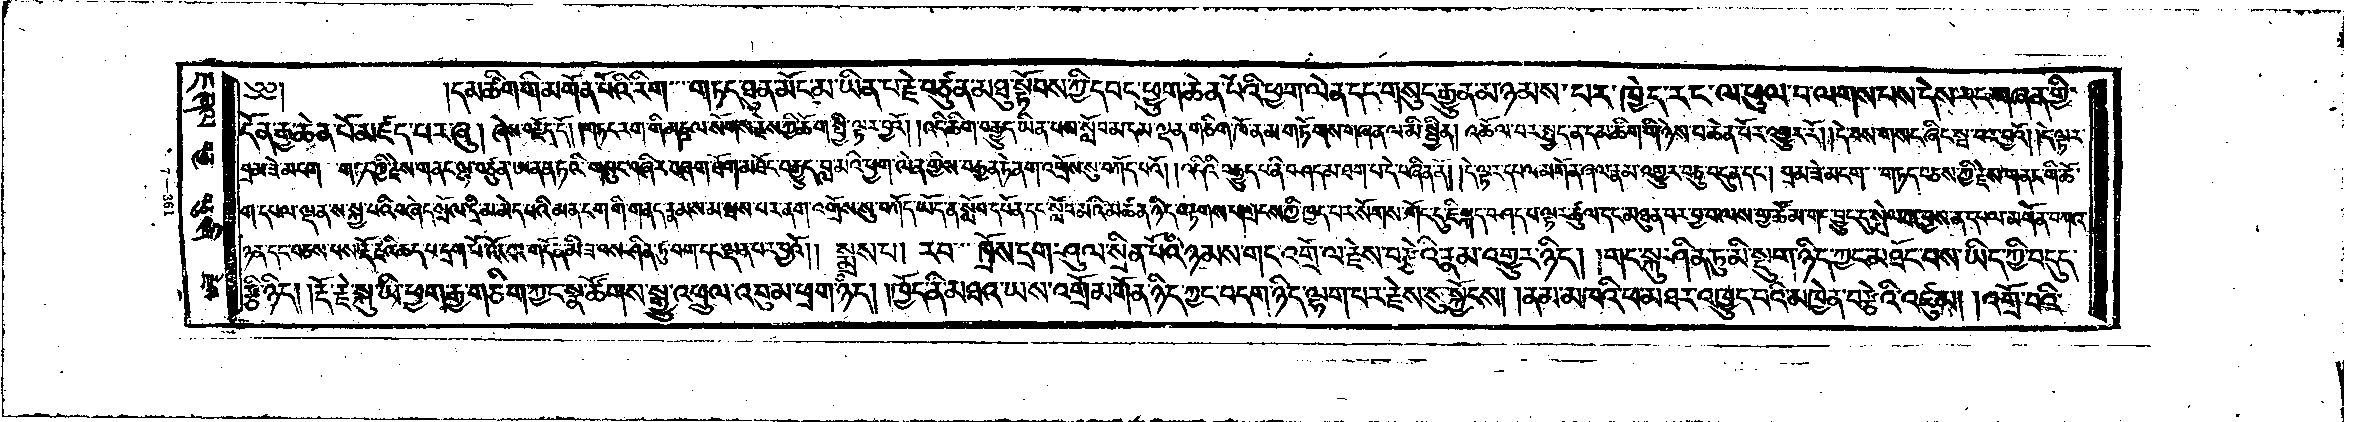༄༅། །དམ་ཚིག་གི་མགོན་པོའི་རིག་གཏད་ཐུན་མོང་མ་ཡིན་པ་རྗེ་བཙུན་མཐུ་སྟོབས་ཀྱི་དབང་ཕྱུག་ཆེན་པོའི་ཕྱག་ལེན་དང་གསུང་རྒྱུན་མ་ཉམས་པ་ཁྱེད་རང་རྣམས་ལ་ཕུལ་པ་ལགས་པས་དེས་རང་གཞན་གྱི་
དོན་རྒྱ་ཆེན་པོ་མཛད་པར་ཞུ། ཞེས་བརྗོད་དོ། །གཏང་རག་གི་མཎྜལ་སོགས་རྔེས་ཀྱི་ཆོ་ག་སྤྱི་ལྟར་བྱའོ། །འདི་ཆིག་བརྒྱུད་ཡིན་པས་སློབ་མ་དམ་ལྡན་གཅིག་ཁོ་ན་མ་གཏོགས་གཞན་ལ་མི་སྦྱིན། འཆོལ་བར་སྤྱད་ན་དམ་ཚིག་གི་ཉེས་པ་ཆེན་པོར་འགྱུར་རོ། །དེ་བས་གསང་ཞིང་སྦ་བར་བྱའོ། །དེ་ལྟར་
བྲམ་ཟེ་མངག་གཏད་ཀྱི་རྗེས་གནང་ལྷ་བཙུན་ཨ་ནན་ཏའི་གསུང་གཞིར་བཞག་ཐོག་མཐོང་བརྒྱུད་བླ་མའི་ཕྱག་ལེན་གྱིས་བརྒྱན་ཏེ་ནག་འགྲོས་སུ་བཀོད་པའོ། །འདིའི་བརྒྱུད་པ་ནི་བཤད་མ་ཐག་པ་དེ་བཞིན་ནོ། །དེ་ལྟར་དཔལ་མགོན་ཞལ་རྣམ་འགྱུར་བཅུ་བདུན་དང་། བྲམ་ཟེ་མངག་གཏད་བཅས་ཀྱི་རྗེས་གནང་གི་ཆོ་
ག་དཔལ་ལྡན་ས་སྐྱ་པའི་བཞེད་སྲོལ་དྲི་མ་མེད་པའི་མན་ངག་གི་གནད་རྣམས་མ་སྦས་པར་ནག་འགྲོས་སུ་བཀོད་ཡོད་ན་སློབ་དཔོན་དང་སློབ་མའི་མཚན་ཉིད་བརྟགས་པ། གྲངས་ཀྱི་ཁྱད་པར་སོགས་གོང་དུ་ཇི་སྐད་བཤད་པ་ལྟར་ཚུལ་དང་མཐུན་བར་བྱ་བ་ལས་གྱ་ཚོམ་གང་བྱུང་དུ་སྤེལ་བྱས་ན་དཔལ་མགོན་བཀའ་
ཉན་དང་བཅས་པས་རྡོ་རྗེའི་ཆད་པ་དྲག་པོ་འོང་བར་གདོན་མི་ཟ་བས་ཤིན་ཏུ་བག་དང་ལྡན་པར་བྱའོ།། སྨྲས་པ། རབ་ཁྲོས་དྲག་ཤུལ་སྲིན་པོའི་ཉམས་གང་འགྲོ་ལ་རྗེས་བརྩེའི་རྣམ་འགྱུར་ཉིད། །གང་སྐུ་ཤིན་ཏུ་མི་སྡུག་ཉིད་ཀྱང་མཐོང་བས་ཡིད་ཀྱི་བདུད་
རྩི་ཉིད། །རྡོ་རྗེ་སྐུ་ཡི་ཕྱག་རྒྱ་གཅིག་ཀྱང་སྣ་ཚོགས་སྒྱུ་འཕྲུལ་འབུམ་ཕྲག་ཉིད། །ཁྱོད་ནི་མཐའ་ཡས་འགྲོ་མགོན་ཉིད་ཀྱང་བདག་ཉིད་ལྷག་པར་རྗེས་སུ་སྐྱོངས། །ནམ་མཁའི་ཕ་མཐར་འཁྱུད་པའི་མཁྱེན་བརྩེའི་འཛུམ། །འགྲོ་བའི་